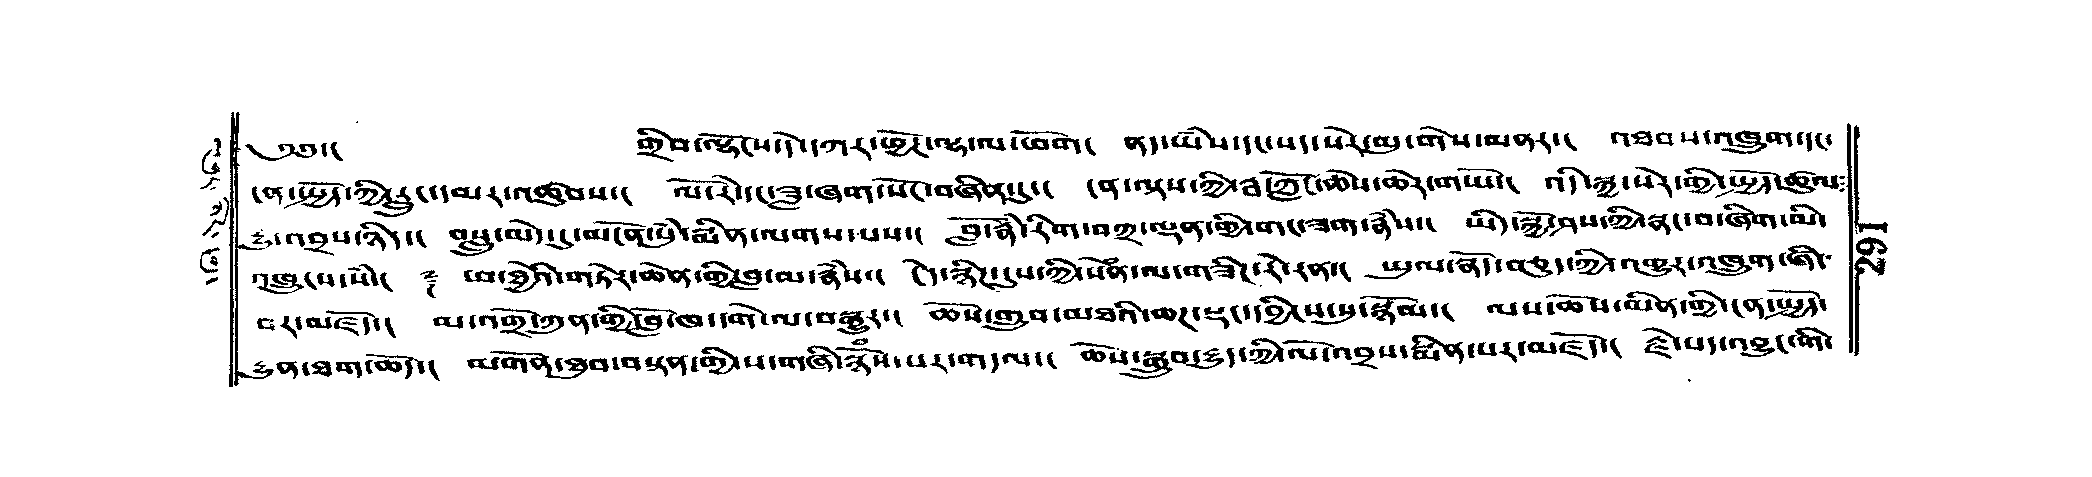།གྲིབ་ལྷོངས་དེ་དཀར་ཕྱོགས་ལྷ་ལ་ཕོག །ནད་ཡམས་དང་སད་སེར་མུ་གེས་མནར། །འཐབ་འཁྲུག་དང་
ངན་སྤྱོད་ཀྱི་རླུང་དམར་འཚུབས། །ལོ་རེ་དང་ཟླ་ཞག་སོང་བཞིན་དུ། །ངན་ལྟས་ཀྱི་རྦ་ཀློང་ཆེས་ཆེར་གཡོ། །འདི་སྐྱ་སེར་གྱི་སྤྱོད་ཚུལ་
རྒྱུ་འབྲས་ཉིད། །བསླུ་མེད་དུ་མངོན་སུམ་སྨིན་ལགས་པས། །བློ་རྣམ་རིག་བཀྲ་ལྡན་གྱི་གང་ཟག་རྣམས། །ཡིད་སྐྱོ་ཤས་ཀྱི་སྣང་བ་ཞིག་མི་
འཁྲུངས་སམ།།༈ ཕ་ཐུགས་རྗེའི་གཏེར་ཆེན་གྱི་བླ་མ་རྣམས། །ངེད་སྙིགས་དུས་ཀྱི་སེམས་ཅན་ལ་གཟིགས་རེ་རན། །ཡུལ་སྣོད་བཅུད་ཀྱི་འགྱུར་འཁྲུག་ཞི་
བར་མཛོད། །མ་འགྲོ་ཀུན་གྱི་བློ་ཁ་དགེ་ལ་བསྒྱུར། །ཆོས་གྲུབ་མཐའི་ཆགས་སྡང་དབྱིངས་སུ་སྙོམ། །ལས་ཆོས་མིན་གྱི་ངན་སྤྱོད་
རྒྱུན་ཐག་ཆོད། །མགོན་ཐུབ་བསྟན་གྱི་ས་གཞི་སྙོམས་པར་གདལ། །ཆོས་སྒྲུབ་རྒྱུད་ཀྱི་ལོ་འབྲས་སྨིན་པར་མཛོད། །རྗེ་པད་འབྱུང་གི་